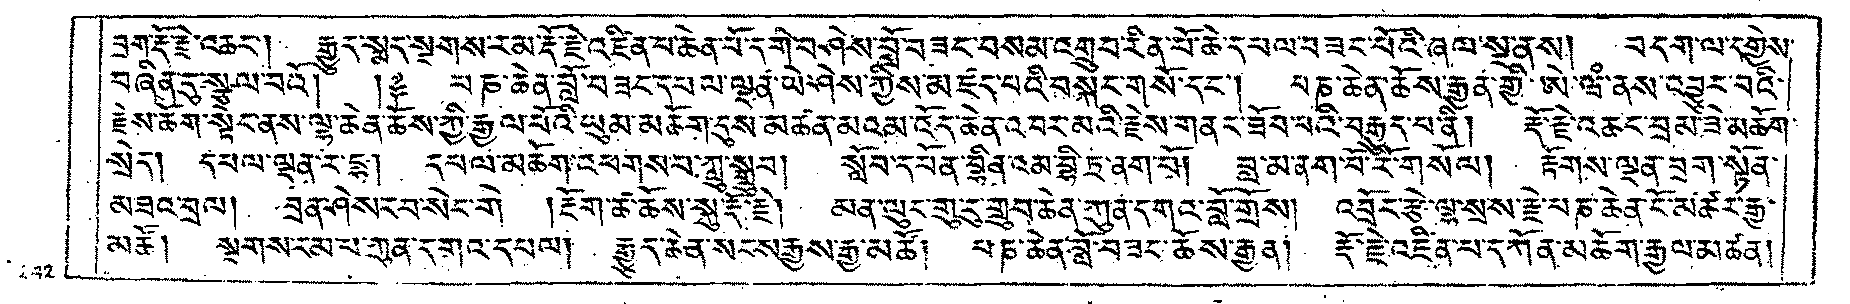བྲག་རྡོ་རྗེ་འཆང་། རྒྱུད་སྨད་སྔགས་རབ་རྡོ་རྗེ་འཛིན་པ་ཆེན་པོ་དགེ་བཤེས་བློ་བཟང་བསམ་འགྲུབ་རིན་པོ་ཆེ་དཔལ་བཟང་པོའི་ཞལ་སྔ་ནས། བདག་ལ་དགྱེས་
བཞིན་དུ་སྩལ་བའོ། ། ༈ པཎ་ཆེན་བློ་བཟང་དཔལ་ལྡན་ཡེ་ཤེས་ཀྱིས་མཛད་པའི་བསྐང་གསོ་དང་། པཎ་ཆེན་ཆོས་རྒྱན་གྱི་ཨེ་ཝཾ་ནས་འབྱུང་བའི་
རྗེས་ཆོག་སྟེང་ནས་ལྷ་ཆེན་ཆོས་ཀྱི་རྒྱལ་པོའི་ཡུམ་མཆོག་དུས་མཚན་མའམ་འོད་ཆེན་འབར་མའི་རྗེས་གནང་ཐོབ་པའི་བརྒྱུད་པ་ནི། རྡོ་རྗེ་འཆང་བྲམ་ཟེ་མཆོག་
སྲེད། དཔལ་ལྡན་ར་དྷ། དཔལ་མཆོག་འཕགས་པ་ཀླུ་སྒྲུབ། སློབ་དཔོན་བྷིན་འམ་བྷི་ཏྲ་ནག་པོ། བླ་མ་ནག་པོ་རོ་གསོལ། རྟོགས་ལྡན་བྲག་སྟོན་
མཐའ་བྲལ། བྲན་ཤེས་རབ་སེང་གེ །རྔོག་ཚ་ཆོས་སྐུ་རྡོ་རྗེ། མན་ལུང་གུ་རུ་གྲུབ་ཆེན་ཀུན་དགའ་བློ་གྲོས། འབྲོང་རྩེ་ལྷ་སྲས་རྗེ་པཎ་ཆེན་ངོ་མཚར་རྒྱ་
མཚོ། སྔགས་རམ་པ་ཀུན་དགའ་དཔལ། རྒྱུད་ཆེན་སངས་རྒྱས་རྒྱ་མཚོ། པཎ་ཆེན་བློ་བཟང་ཆོས་རྒྱན། རྡོ་རྗེ་འཛིན་པ་དཀོན་མཆོག་རྒྱལ་མཚན།